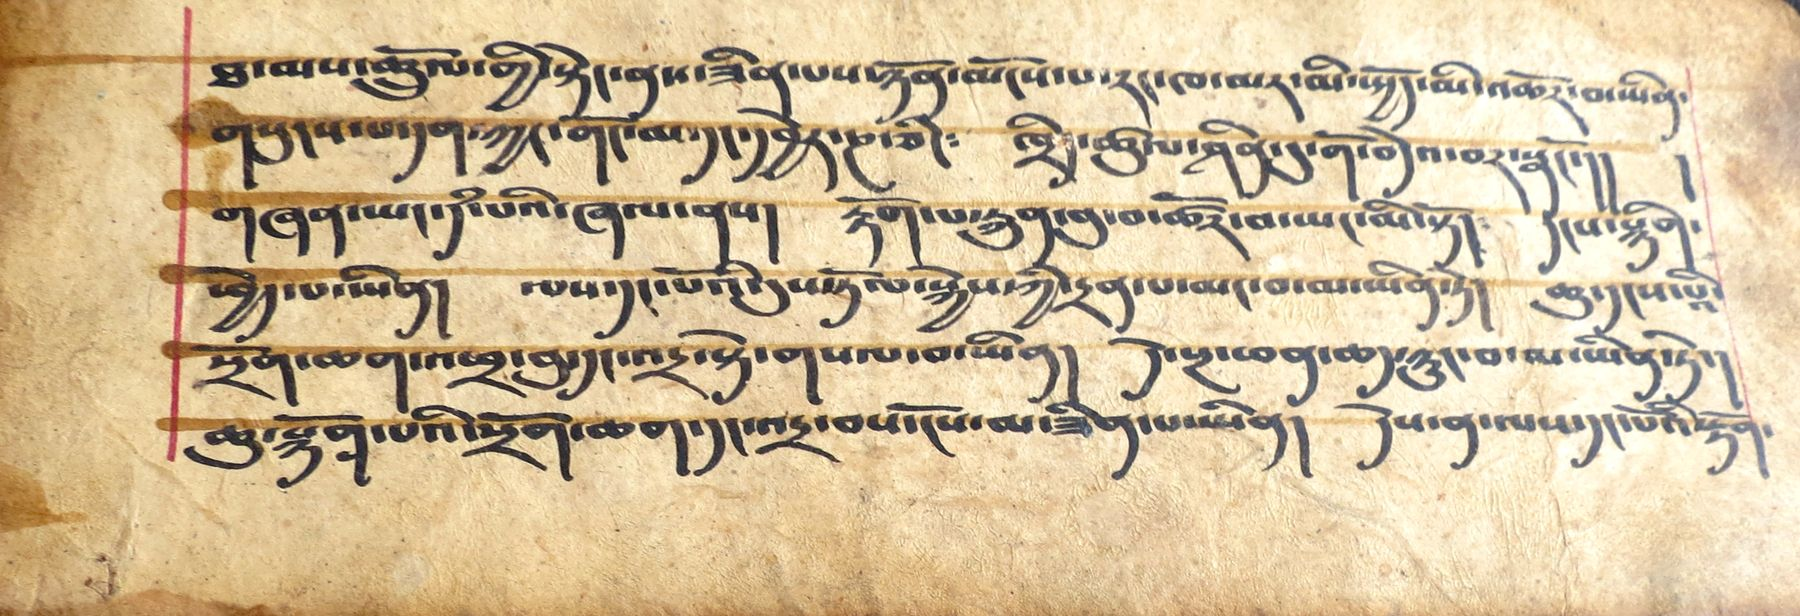ཐ་མ་ཆོ་འཕྲུལ་གྱི་སྟེང་ན་ཟིན་པས་ཉོན་མོངས་པ་རང་ཁར་མི་འཆོར་བ་ཡིན། 
གསུངས་པ་དག་ཀྱང་དོན་གོང་མ་དང་དབྱེར་མེད་ཅིང་ཁྲིད་ཤིན་ཏུ་གོ་བདེ་བར་སྣང་ངོ་། 
གཞན་ཡང་དམ་པའི་ཞལ་ནས། རྟོག་པ་རྐུན་བུ་བ་ཚོར་བ་ཡང་མི་སྟོ་སྟེ་དྭངས་སྙིགས་
ཕྱེད་པ་ཡིན། ལས་དང་པོའི་དུས་སུ་ཐོལ་སྐྱེས་དྲན་པ་མང་བ་ཡིན་ཏེ། ཆུ་དྭངས་པའི་
སྲོག་ཆགས་ཕྲན་བུ་དང་འདྲ་སྟེ་གསལ་བ་ཡིན། དེ་སྔ་ཕན་ཆད་ཉུང་བ་མ་ཡིན་ཏེ། 
ཆུ་སྙོགས་པའི་སྲོག་ཆགས་དང་འདྲ་བས་ངོས་མ་ཟིན་པ་ཡིན། དེས་ན་ལས་དང་པོའི་རྟོག་